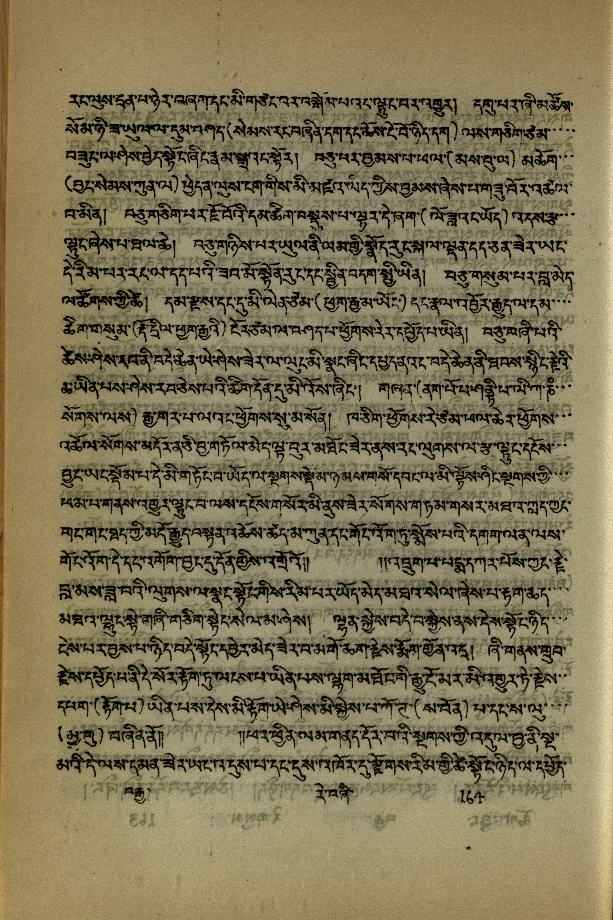རང་ལུས་དྲན་པ་ཉེར་བཞག་དང་མི་གཙང་བར་བསྒོམ་པའང་ལྟུང་བར་འགྱུར། དགུ་པར་ཞི་མཚོས་
སོམ་ཉི་ཟ་ཡུལ་ལ་དུམ་བཤད་སེམས་རང་བཞིན་དག་དང་ཆོས་ངོ་བོ་ཉིད་དག་ལས་གཅིག་ཙམ་
བཟུང་ལ་ཤེས་བྱེད་སྟོང་ཞིང་རྣམ་སྒྲའང་སྟོར། བཅུ་པར་བྱམས་པ་ཕལ་མས་བུ་ལ་མཆོག་
བྱང་སེམས་ཀུན་ལ་ཕྱེད་ན་ལུས་ངག་གིས་མི་མཛའ་ཡིད་ཀྱིས་བྱམས་ཞེས་པ་གཟུ་བོར་འཚལ་
བ་མིན། བཅུ་གཅིག་པར་ཇོ་བོའི་དམ་ཚིག་བསྡུས་པ་ལྟར་དེ་ཞག་ལོ་ཟླའང་ཡོད་འདས་རྩ་
ལྟུང་ཞེས་པ་ཐལ་ཆེ། བཅུ་གཉིས་པར་ཡུལ་ནི་ལམ་གྱི་སྣོད་རུང་སྐལ་ལྡན་དད་ཅན་ཟེར་ཡང་
དེ་རིམ་པར་རང་ལ་དད་པའི་ཟབ་མོ་སྟོན་རུང་དང་སྦྱིན་བདག་སྤྱི་ཡིན། བཅུ་གསུམ་པར་བླ་མེད་
ལ་ཚོགས་ཀྱི་ཚེ། དམ་རྫས་དང་དུ་མི་ལེན་ཙམ་ཕྱག་རྒྱ་མ་ཡོད་དང་རྣལ་འབྱོར་རྒྱུད་ལ་དམ་
ཚིག་གསུམ་རྡོ་དྲིལ་ཕྱག་རྒྱའི་ངོར་ཙམ་ལ་བཤད་པ་ཕྱོགས་རེར་དཔྱོད་པ་ཡིན། བཅུ་བཞི་པའི་
ཆོས་ཤེས་རབ་ནི་བདེ་ཆེན་ཡེ་ཤེས་ཟེར་ལ་ལུང་མི་སྣང་ཞིང་དཔྱད་ནའང་བདེ་ཆེན་ནི་ཐབས་སྙིང་རྗེའི་
ཆ་ཡིན་པས་ཤེས་རབ་ཅེས་པའི་ཚིག་དོན་དུ་མི་འོས་ཞིང་། གཞན་ནག་པོ་པ་ཤནྟི་པ་ལ་ཀི་ཀ་ཎཾ་
སོགས་ལས་རྒྱ་གར་པ་ལའང་ཕྱོགས་སུ་མ་སོན། ཁ་ཅིག་ཕྱོགས་རེ་ཙམ་ཕལ་ཆེར་ཕྱོགས་
འཚོལ་སོགས་མདོར་ན་ཅི་བྱ་གཏོལ་མེད་ལྟ་བུར་མཐོང་ཟེར་ནས་རང་ལུགས་ལ་རྩ་ལྟུང་དངོས་
བྱུང་ཡང་སྡོམ་པ་དེ་མི་གཏོང་བ་ཡོད་ལ་སྔགས་སྡོམ་ཉམས་གསོ་དབང་ལ་མི་ལྟོས་ཤིང་སྔགས་ཀྱི་
ཕམ་པ་གནས་འགྱུར་ལྟུང་བ་ལས་དངོས་གསོར་མི་ནུས་ཟེར་སོགས་གཏམ་གསར་མཐའ་ཀླད་ཀྱང་
གང་གང་ཐད་ཀྱི་མདོ་རྒྱུད་བསྟན་འཆོས་ཚད་མ་ཀུན་དང་གོང་འོག་ཏུ་སྨོས་པའི་དགག་ལན་ལས་
གོང་འོག་དེ་དང་འགོག་བྱང་དུ་དོན་གྱིས་འགྲོའོ།། །།འབྲུག་པ་པདམ་དཀར་པོས་ཀྱང་རྗེ་
བླ་མས་ཟླ་བའི་ལུགས་ལ་སྣང་སྟོང་གིས་རིམ་པར་ཡོད་མེད་མཐའ་སེལ་ཞེས་པ་རྟག་ཆད་
མཐའ་ལྷུང་སྟེ་གཞི་གཅིག་སྟེང་སེལ་མ་ཤེས། ལྷན་སྐྱེས་བདེ་བ་སྐྱེས་ནས་དེས་སྟོང་ཉིད་
ངེས་པར་བྱས་པ་ཉིད་བདེ་སྟོང་དབྱེར་མེད་ཟེར་བ་མགོ་ཆག་རྗེས་རྨོག་གྱོན་འདྲ། ཞི་གནས་གྲུབ་
རྗེས་དཔྱོད་པ་ནི་དེ་སོར་རྟོག་ཏུ་ལངས་པ་ཡིན་པས་ལྷག་མཐོང་གི་རྒྱུ་ངོ་མར་མི་འགྱུར་ཏེ་རྗེས་
དཔག་རྟོག་པ་ཡིན་པས་དེས་མི་རྟོག་ཡེ་ཤེས་མི་སྐྱེས་པ་ཀོ་ཊ་ས་བོན་པ་དང་ས་ལུ་
མྱུ་གུ་བཞིན་ནོ།། །།ཕར་ཕྱིན་ལམ་གནད་དོར་བའི་སྔགས་ཀྱི་འདུལ་བྱ་ནི་སྔ་
མའི་དེ་ལས་དམན་ཟེར་ཡང་འདུས་པ་དང་དུས་འཁོར་དུ་རྫོགས་རིམ་གྱི་ཚེ་སྟོང་ཉིད་ལ་དཔྱོད་